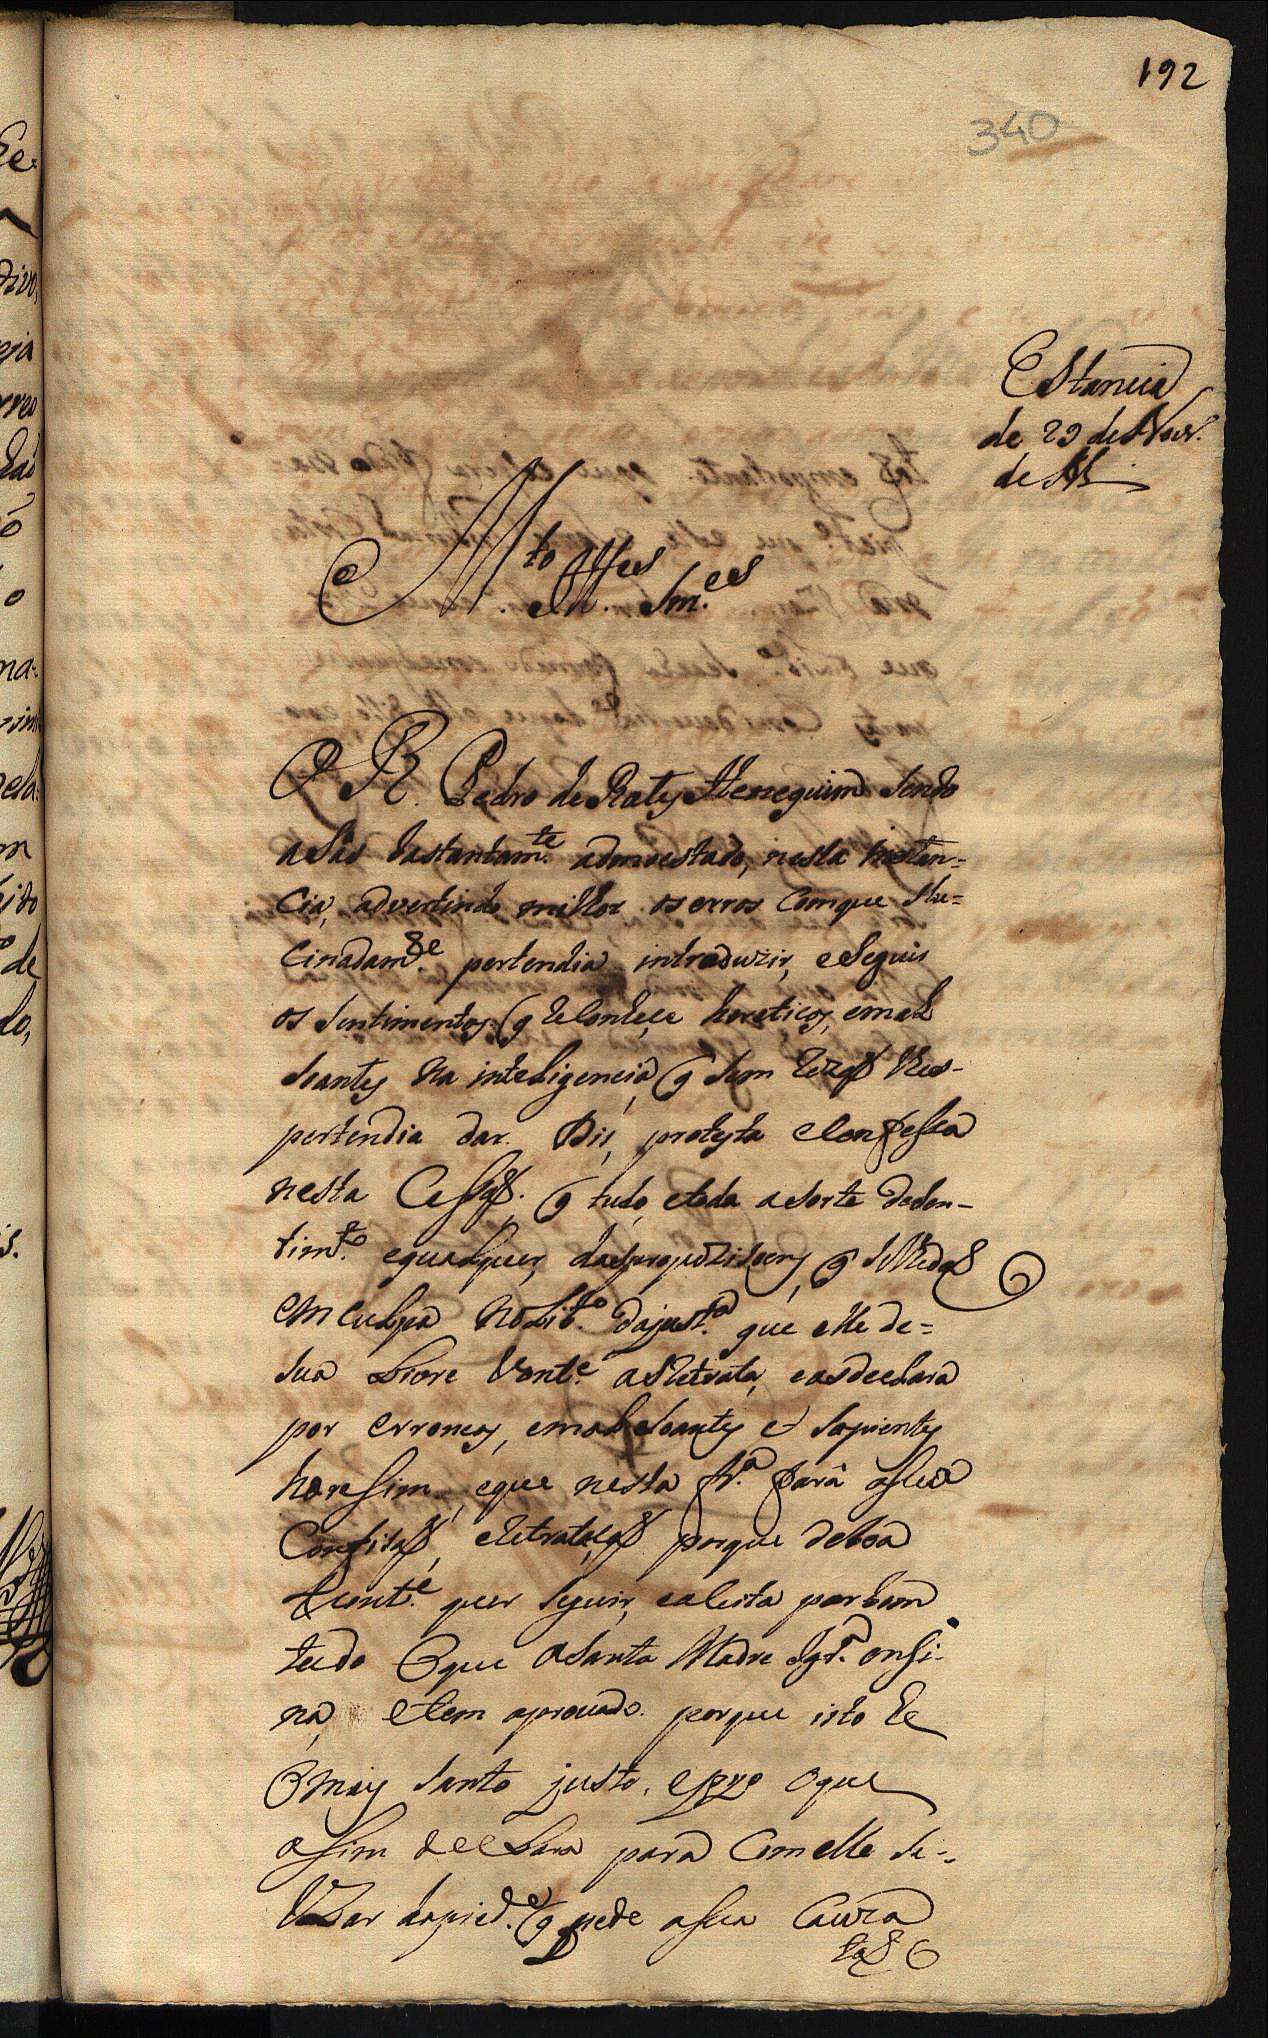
Estancia
de 29 de Novr.o
de M
M.to Ill̄.es Snr.es
O R. Pedro de Rates Henequim sendo
aSás bastantem.te admoestado, nesta Instan
Cia, advertindo milhor os erros Com que Ilu
Cinadam.te pertendia introduzir, e Seguir
os sentimentos q̄ Reconhece hereticos, e mal
soantes na inteligencia q̄ sem Rezaõ lhes
pertendia dar. Dis, protesta e confessa
nesta Cessaõ. q̄ tudo, e toda a sorte de sen
tim.to e qualquer, das propozisoens, q̄ se lhe daõ
em culpa no Lib.o da just.a que elle de
sua Livre Vont.e as Retrata, e as declara
por erroneas, e malsoantes & sapientes
hæresim, e que nesta fr.a fará a sua
Confissaõ e Retrataçaõ porque de boa
& cont.e quer seguir, e aCeita por bem
tudo O que a Santa Madre Igr.a ensi
na, e tem aprouado. porque isto he
O mais santo justo, e pyo o que
asim declara para Com elle se
VZar da pied.e q̄ pede a sua Cauza
taõ o
